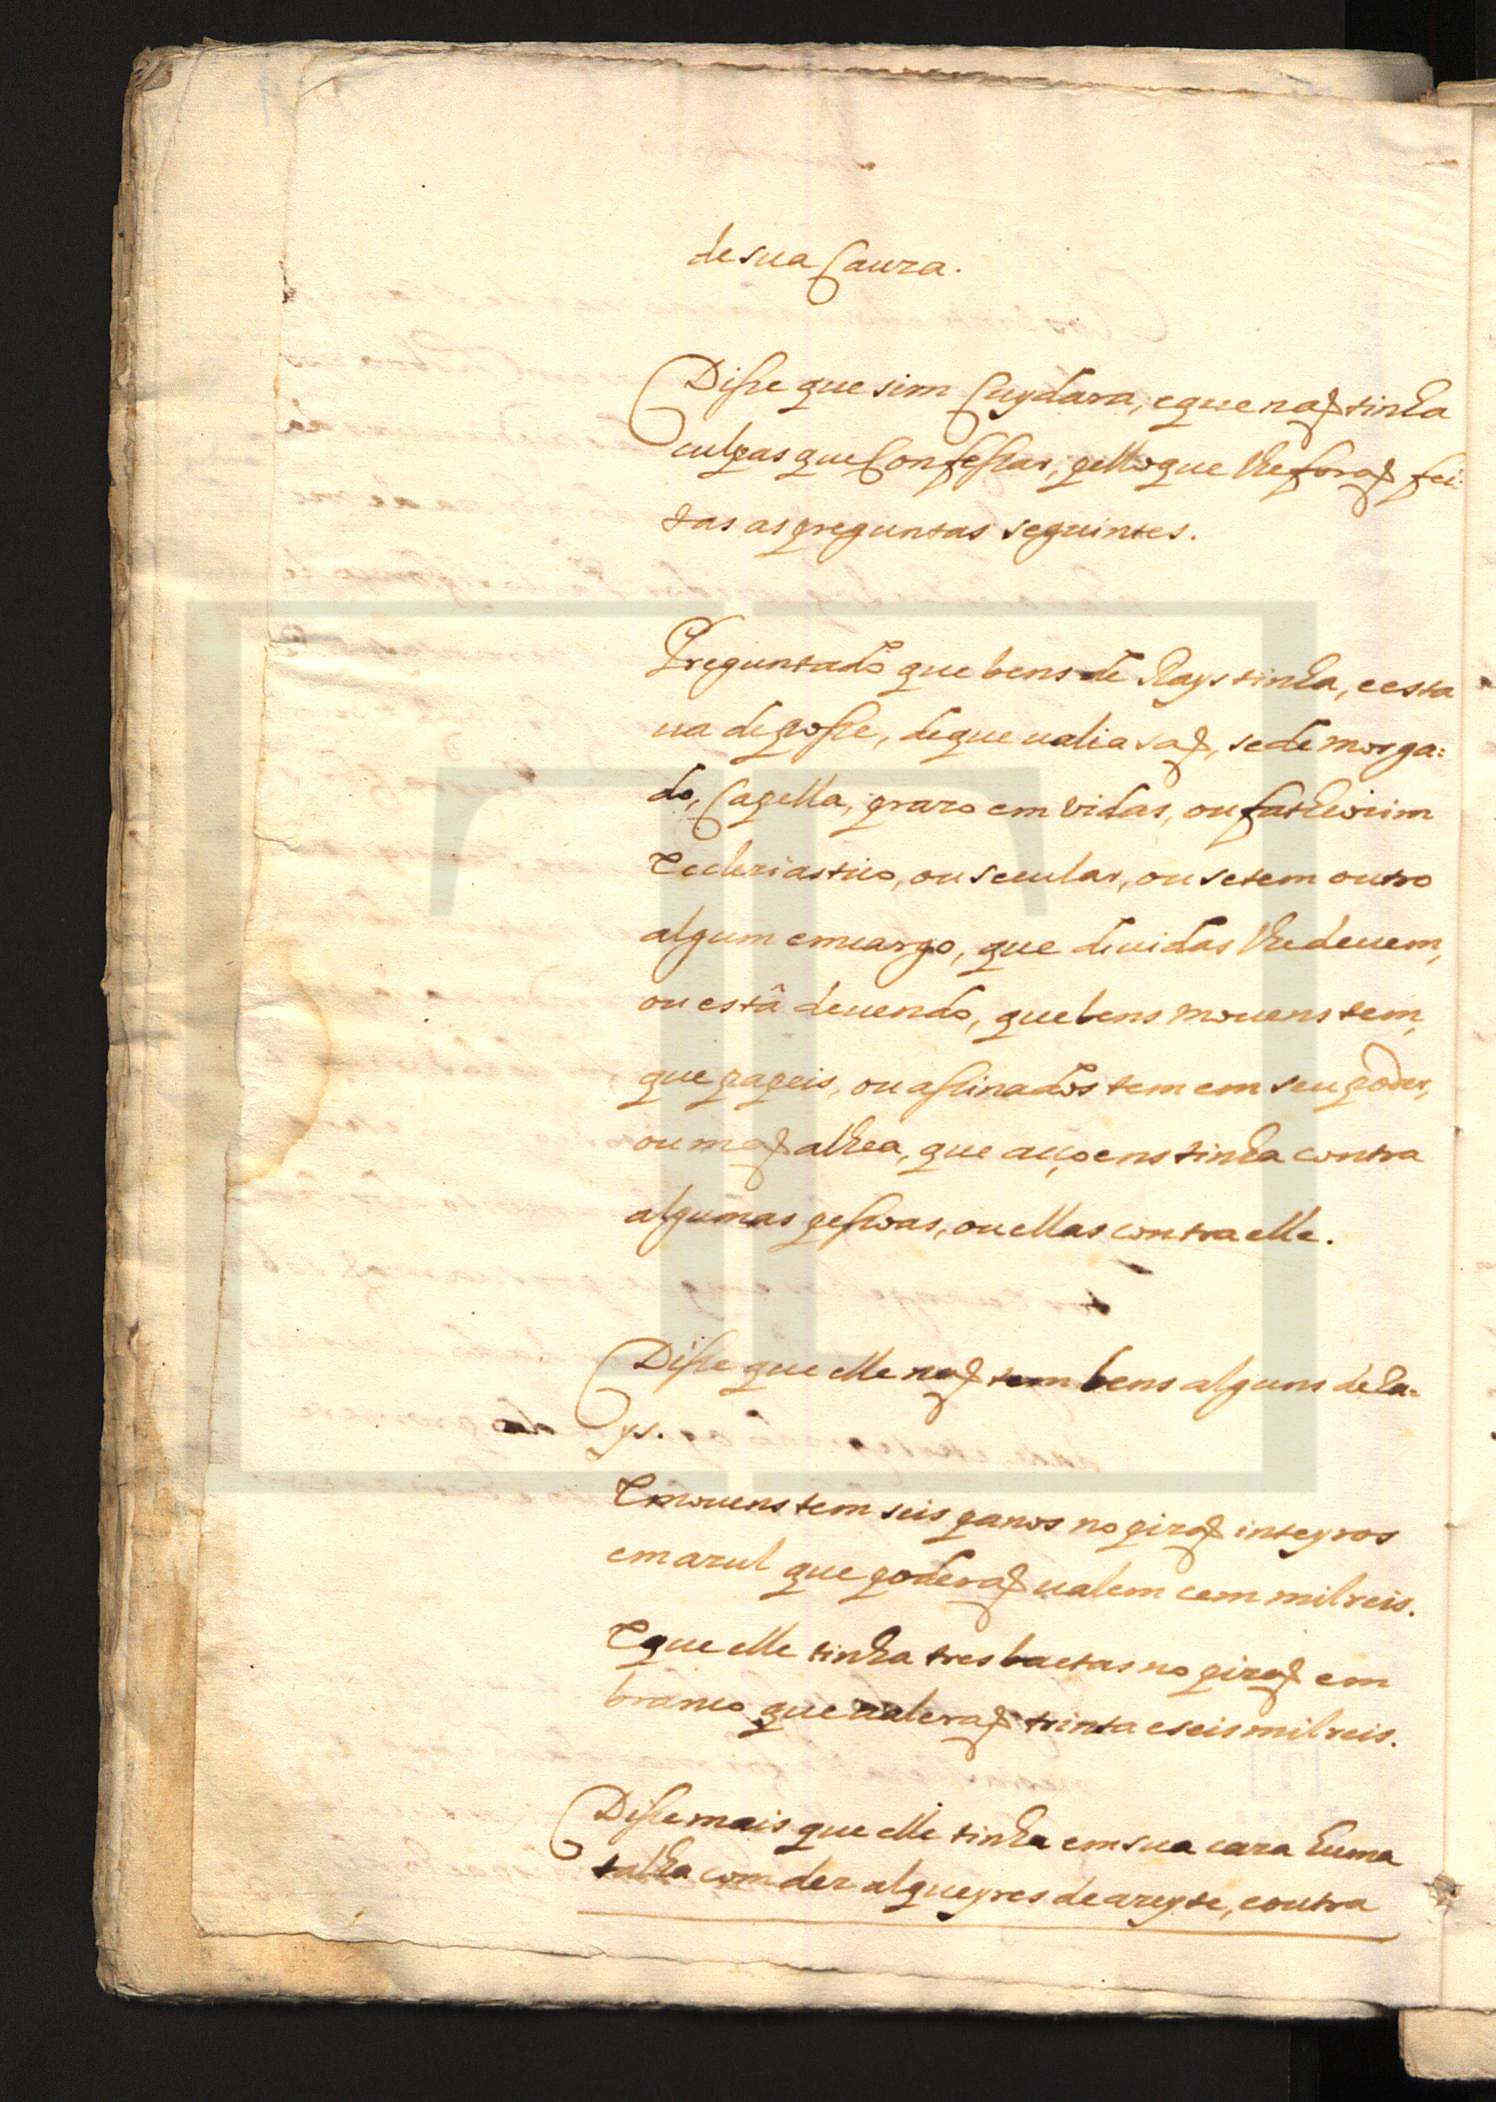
de sua Cauza.
Disse que sim Cuydara, e que naõ tinha
culpas que Confessar, pello que lhe foraõ fei
tas as preguntas seguintes.
Preguntado que bens de Rays tinha, e esta
ua de posse, de que ualia saõ, se de morga
do, Capella, prazo em vidas, ou fatheozim
eccleziastico, ou secular, ou se tem outro
algum emcargo, que diuidas lhe deuem,
ou está deuendo, que bens mouens tem,
que papeis, ou asinados tem em seu poder,
ou maõ alhea, que acçoens tinha contra
algumas pessoas, ou ellas contra elle.
Disse que elle naõ tem bens alguns de Ra
ys.
E mouens tem seis panos no pizaõ inteyros
em azul que poderaõ ualem cem mil reis.
e que elle tinha tres baetas no pizaõ em
branco que valeraõ trinta e seis mil reis.
Disse mais que elle tinha em sua caza huma
talha com dez alqueyres de azeyte, e outra
